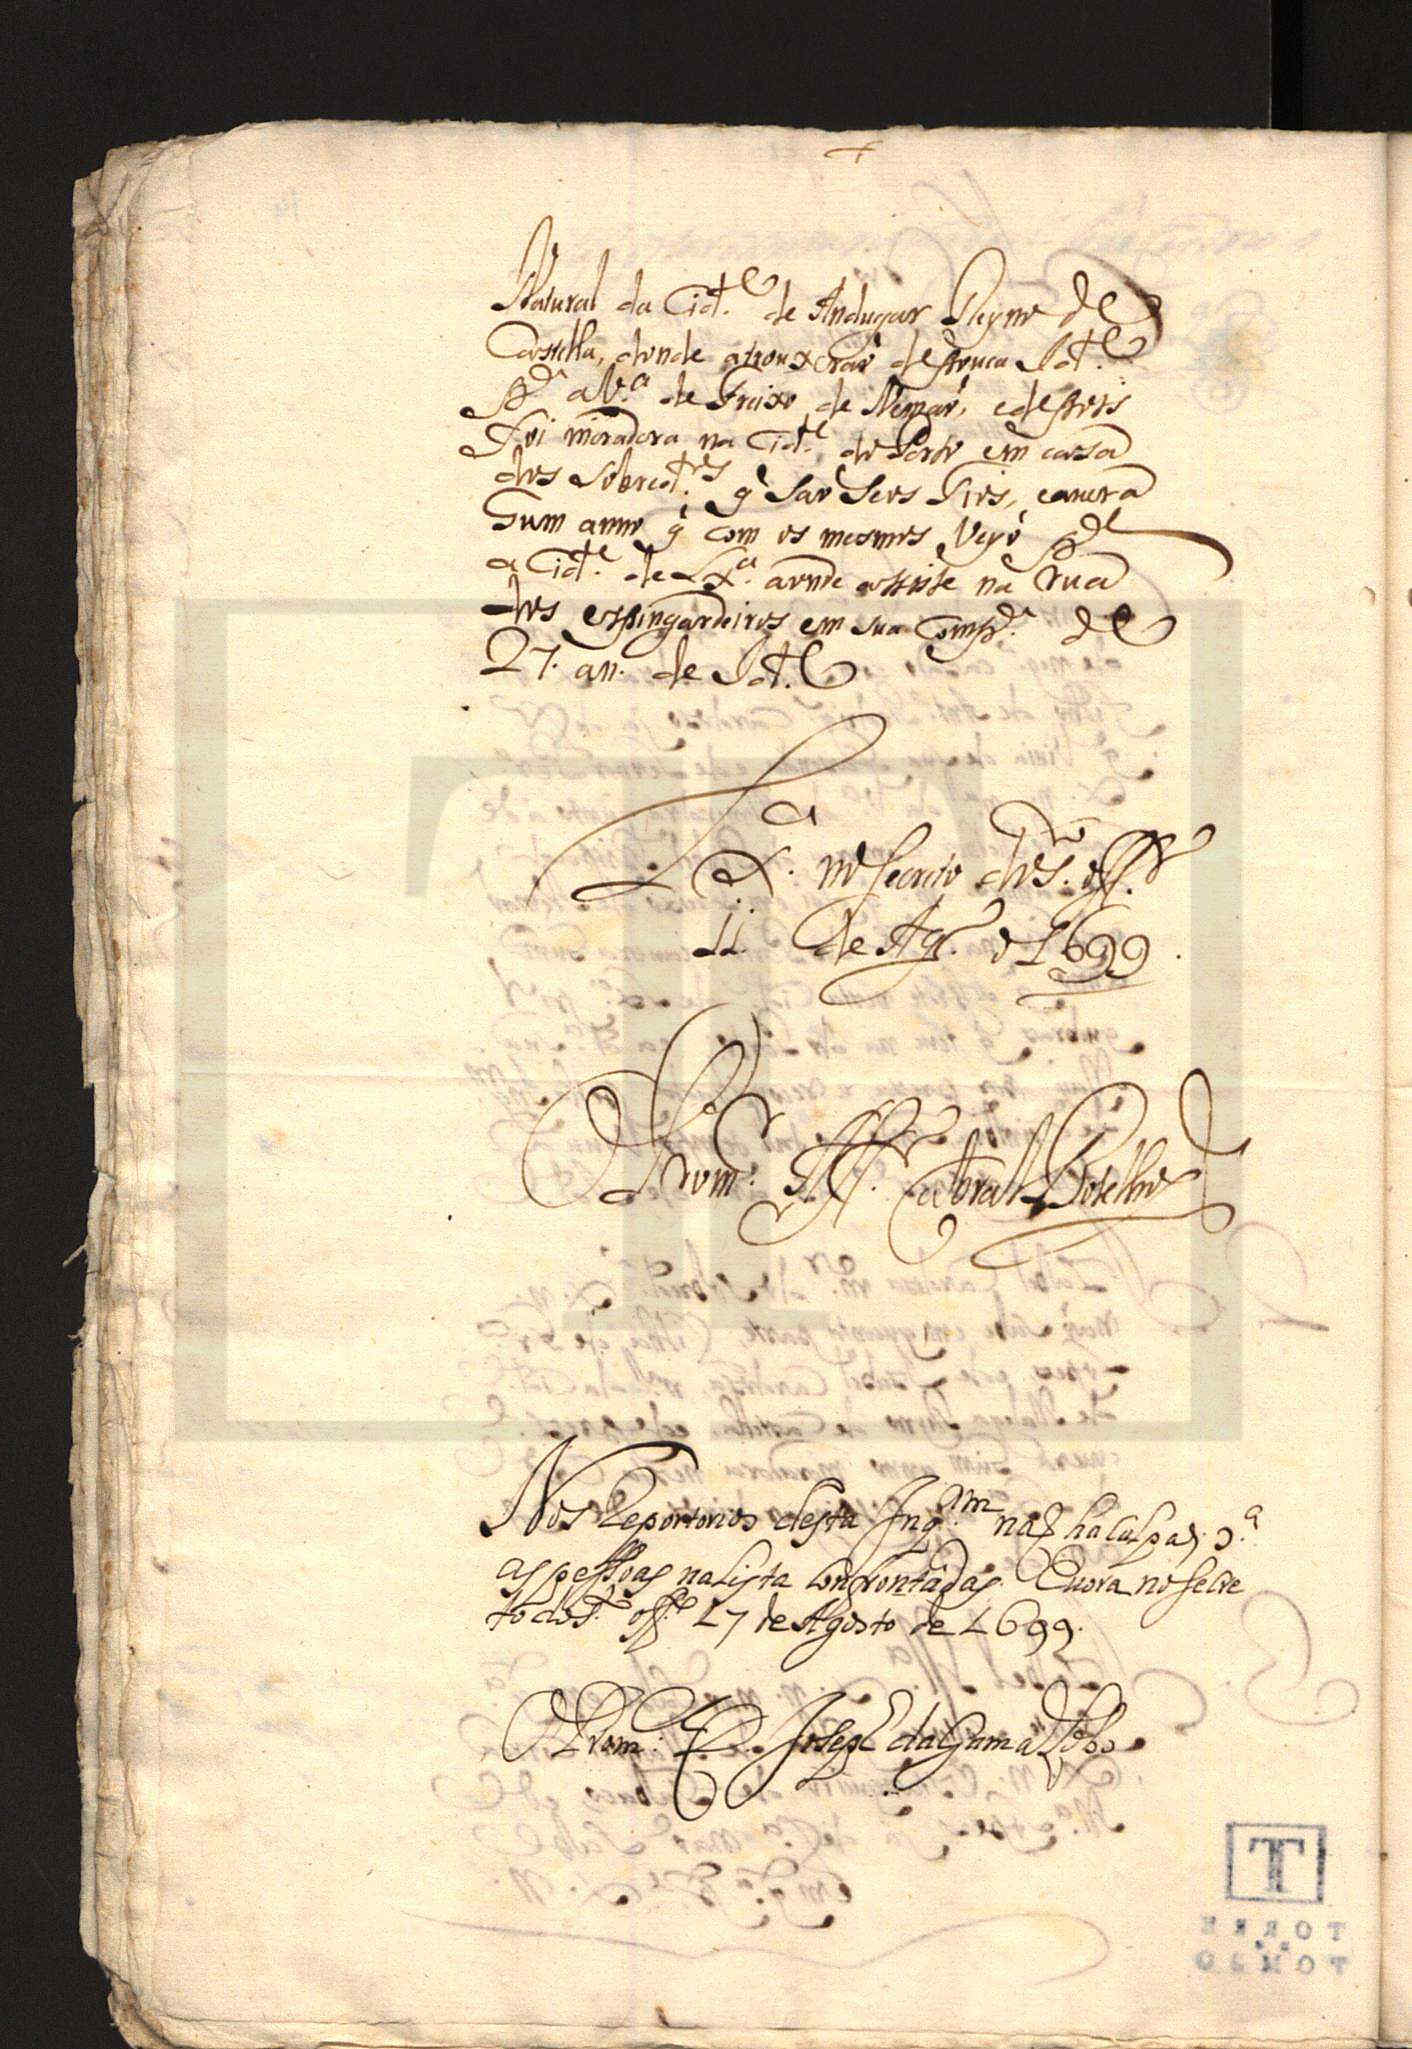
Natural da Cid̄.e de Andugar Reyno de
Castella, donde a trouxeraõ de pouca Id̄.e
pa a V.a de Freixo de Nemaõ, e depois
foi moradora na Cid̄.e do Porto em casa
dos sobred̄.os q̄ saõ seos Tios, e auera
hum anno q̄ com os mesmos Veyo pa
a Cid̄.e de Lxa. aonde assiste na rua
dos espingardeiros em sua Comp.a de
27. an. de Id̄.e
Lx.a no secreto do s.to off.o
II. de Ag.o d̄ 1699.
Nos Reportorios desta Jnq.am naõ ha culpas. ꝯ.a
as pessoas na Lista Confrontadas. Euora no seCre
to do s.to off.o 17 de Agosto de 1699.
